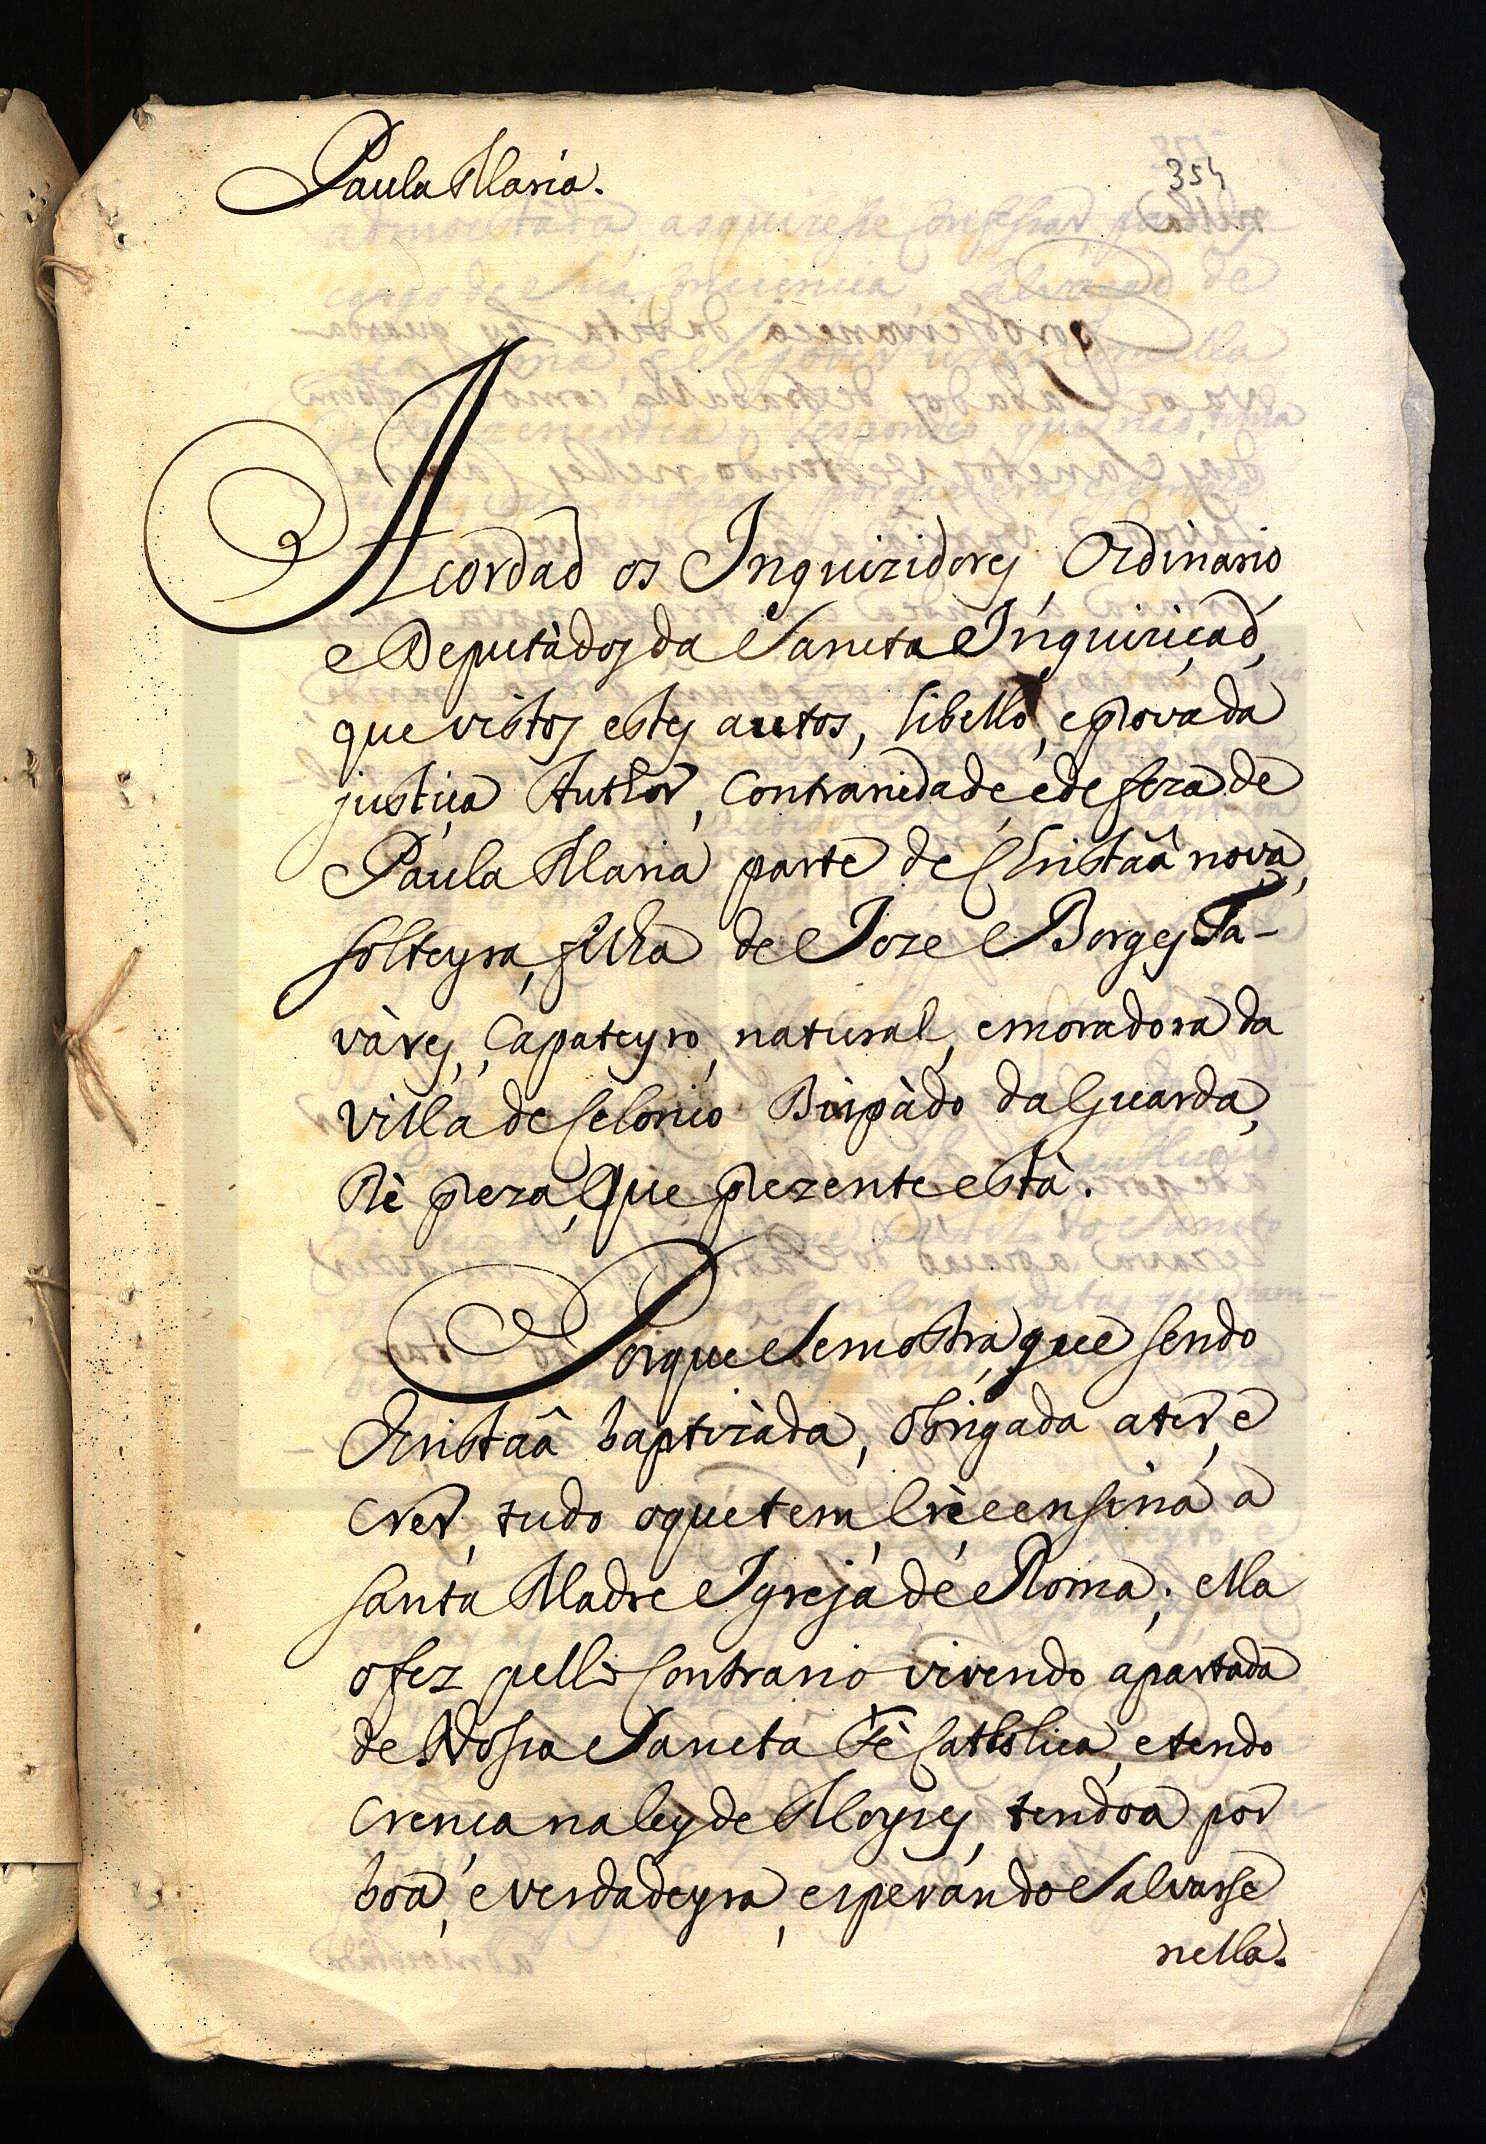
Paula Maria.
Acordaõ os Inquizidores, Ordinario,
e Deputàdos da Sancta Inquiziçaõ,
que vistos estes autos, libello, e prova da
justiça Author, contrariedade, e defeza de
Paula Maria parte de Christaã nova,
solteyra, filha de Ioze Borges Ta
vàres, çapateyro, natural, e moradora da
villa de Celorico Bispàdo da Guarda,
Ré preza, que prezente està.
Porque se mostra, que sendo
christaã baptizàda, obrigada a ter, e
crer, tudo o que tem, Crè e ensina a
santa Madre Igreja de Roma; ella
o fez pello Contrario, vivendo apartada
de Nossa Sancta Fè Catholica, e tendo
crença na ley de Moyzes, tendoa por
boa, e verdadeyra, esperando Salvarse
nella.
